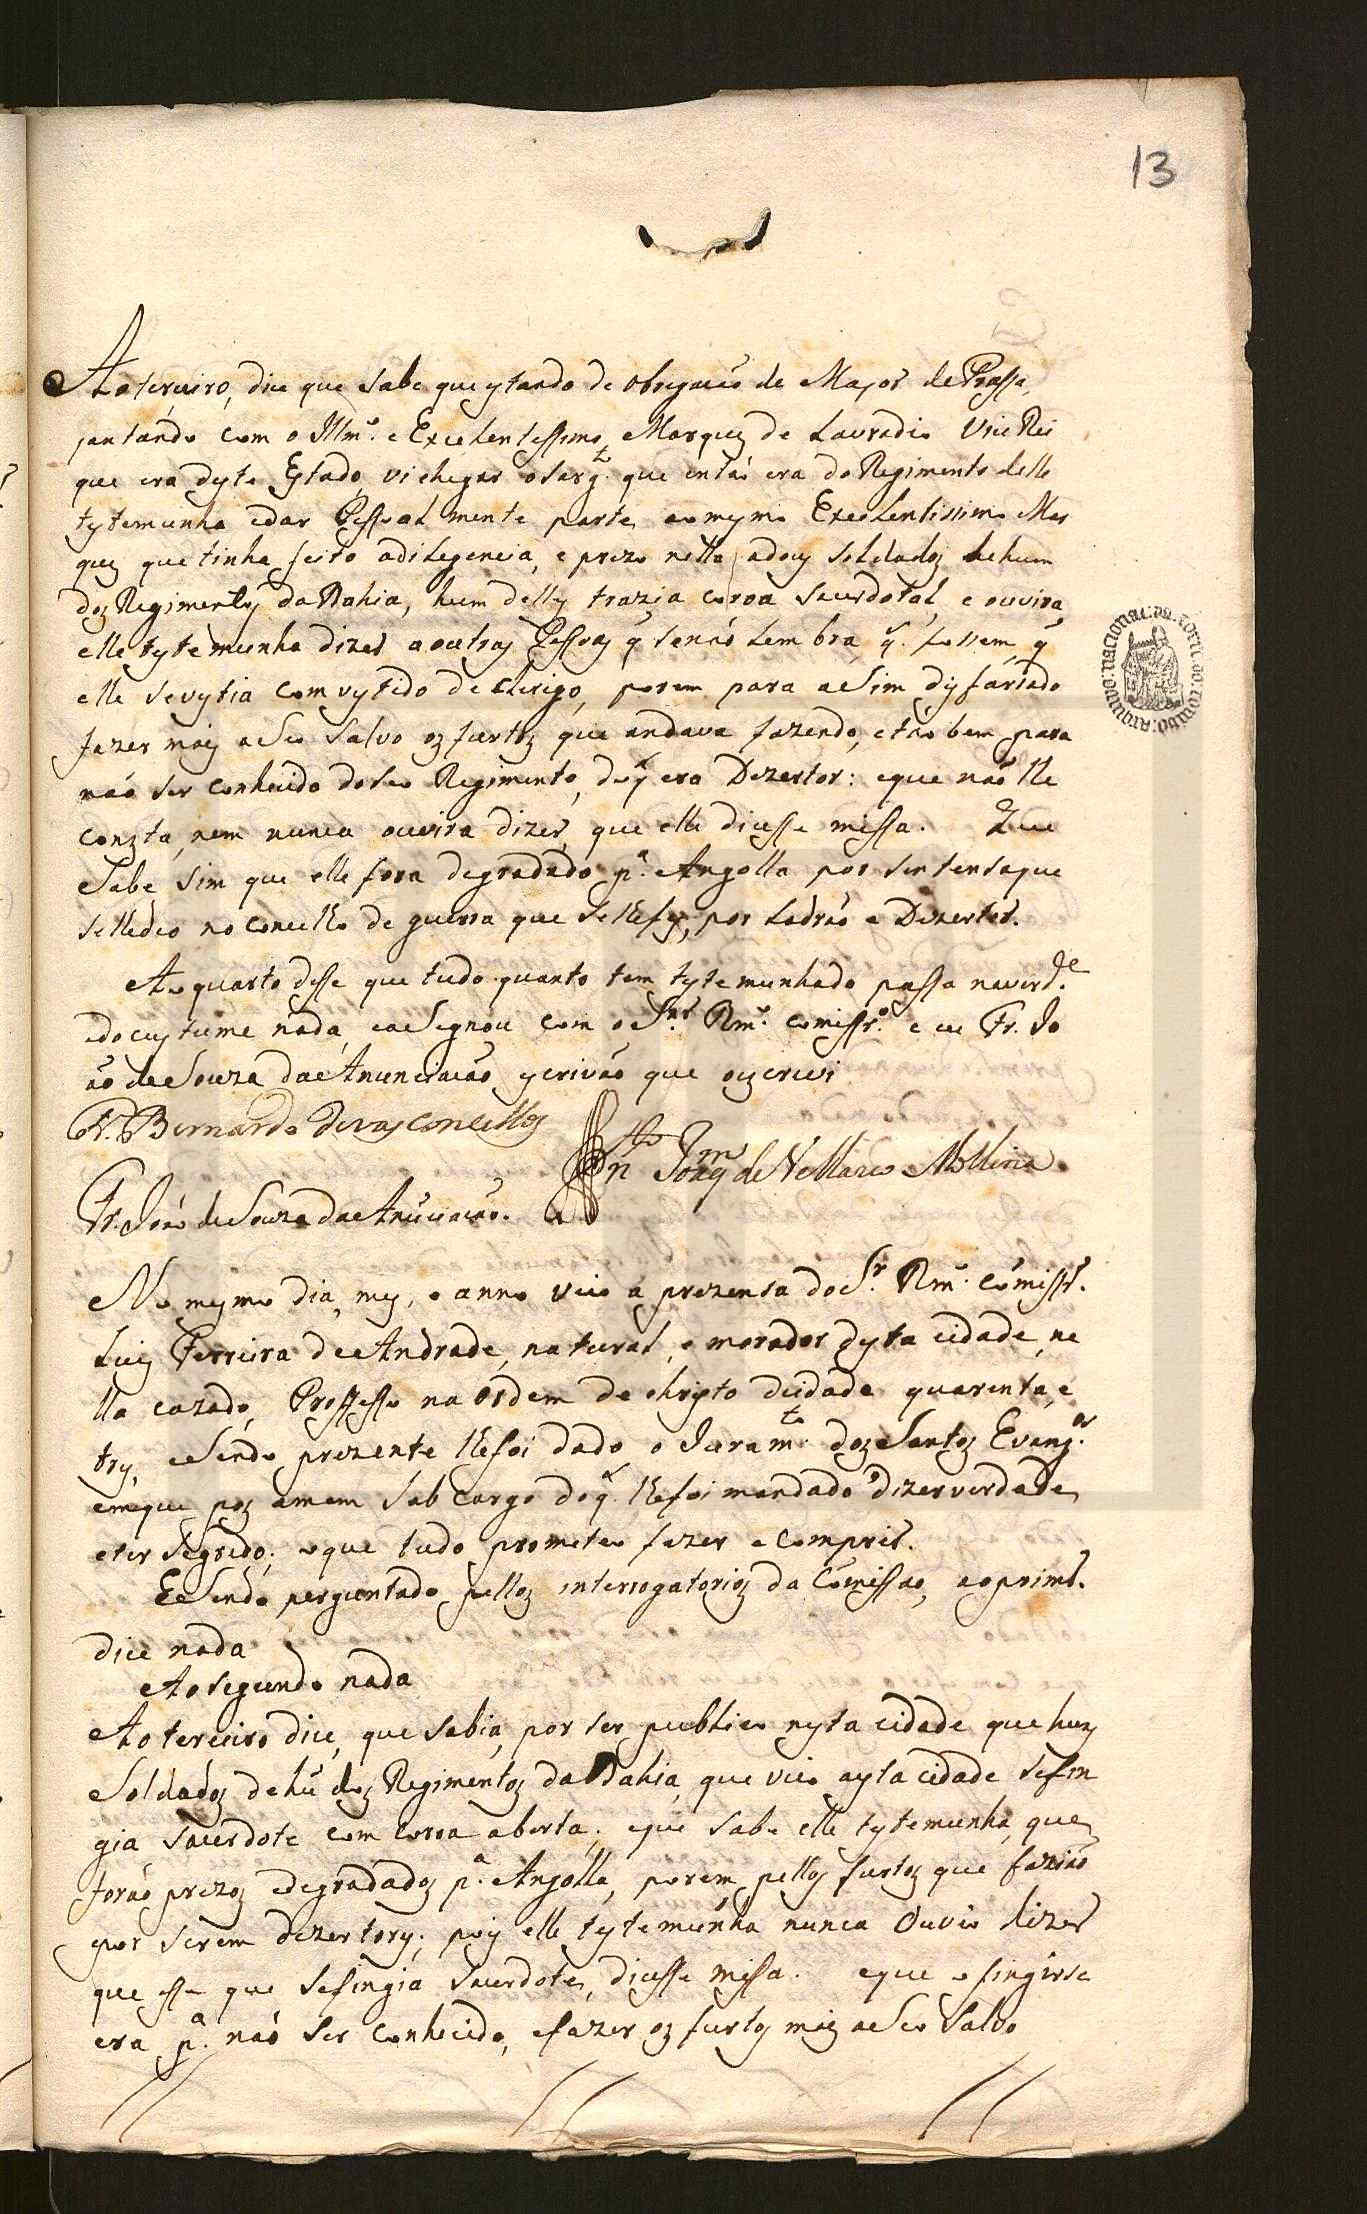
Ao terçeiro, dice que sabe que estando de obrigacão de Major de Prassa,
jantando com o Illm.o e ExceLentissimo Marquez de Lavradio Vice Rei
que era deste Estado, vi chegar o sarg.to que entaõ era do Regimento delle
testemunha e dar Pessoalmente parte, ao mesmo ExceLenttisismo Mar
quez que tinha feito a diLegencia, e prezo nella a dous soLdadoz de hum
doz Regimentos da Bahia, hum delles trazia coroa sacerdotal, e ouvira
elle testemunha dizer a outras Pessoas q̄ senaõ Lembra, q̄ fosem, q̄
elle se vestia com vestido de cLerigo, porem para asim disfarsado
fazer mais a seo salvo oz furtoz que andava fazendo, e tãobem para
naõ ser conhecido do seo Regimento, do qL era Dezertor: e que naõ lhe
conzta, nem nunca ouvira dizer, que elle dicesse missa. Que
Sabe sim que elle fora degradado p.a Angolla por sentensa que
se lhedeo no concelho de guerra que se lhefes, por Ladraõ e Dezertor.
Ao quarto disse que tudo tem testemunhado passa na verd.e
e do custume nada, e asignou com o S.or Rm.o comissr.o e eu Fr. Io
ão de Souza da Anunciacão escrivão que o ezcrevi
No mesmo dia, mes, e anno veio a prezensa do S.r Rm.o Cōmissr.o
Luis Ferreira de Andrade, natural, e morador desta cidade, ne
lla cazado, Proffesso na ordem de christo de idade quarenta, e
tres, e sendo prezente lhe foi dado o Iuram.to doz Santoz Evang.os
em que poz a mam sob cargo do q.L lhe foi mandado dizer verdade
e ter segredo; o que tudo prometeo fazer e comprir.
E sendo perguntado pelloz interrogatorioz da Cōmissao, ao primr.o
dice nada
Ao segundo nada
Ao terceiro dice, que sabia, por ser publico nesta cidade que huns
Soldadoz de hū doz Regimentoz da Bahia, que veio a esta cidade se fin
gia sacerdote com coroa aberta; e que sabe elle testemunha, que
forão prezos e degradadoz p.a Angolla, porem, pellos furtoz que fazião
e por serem dezertores; pois elle testemunha nunca ouvio dizer
que esse que sefingia sacerdote, dicesse missa. e que o fingirse
era p.a naõ ser conhecido, e fazer oz furtos mas a ser salvo
